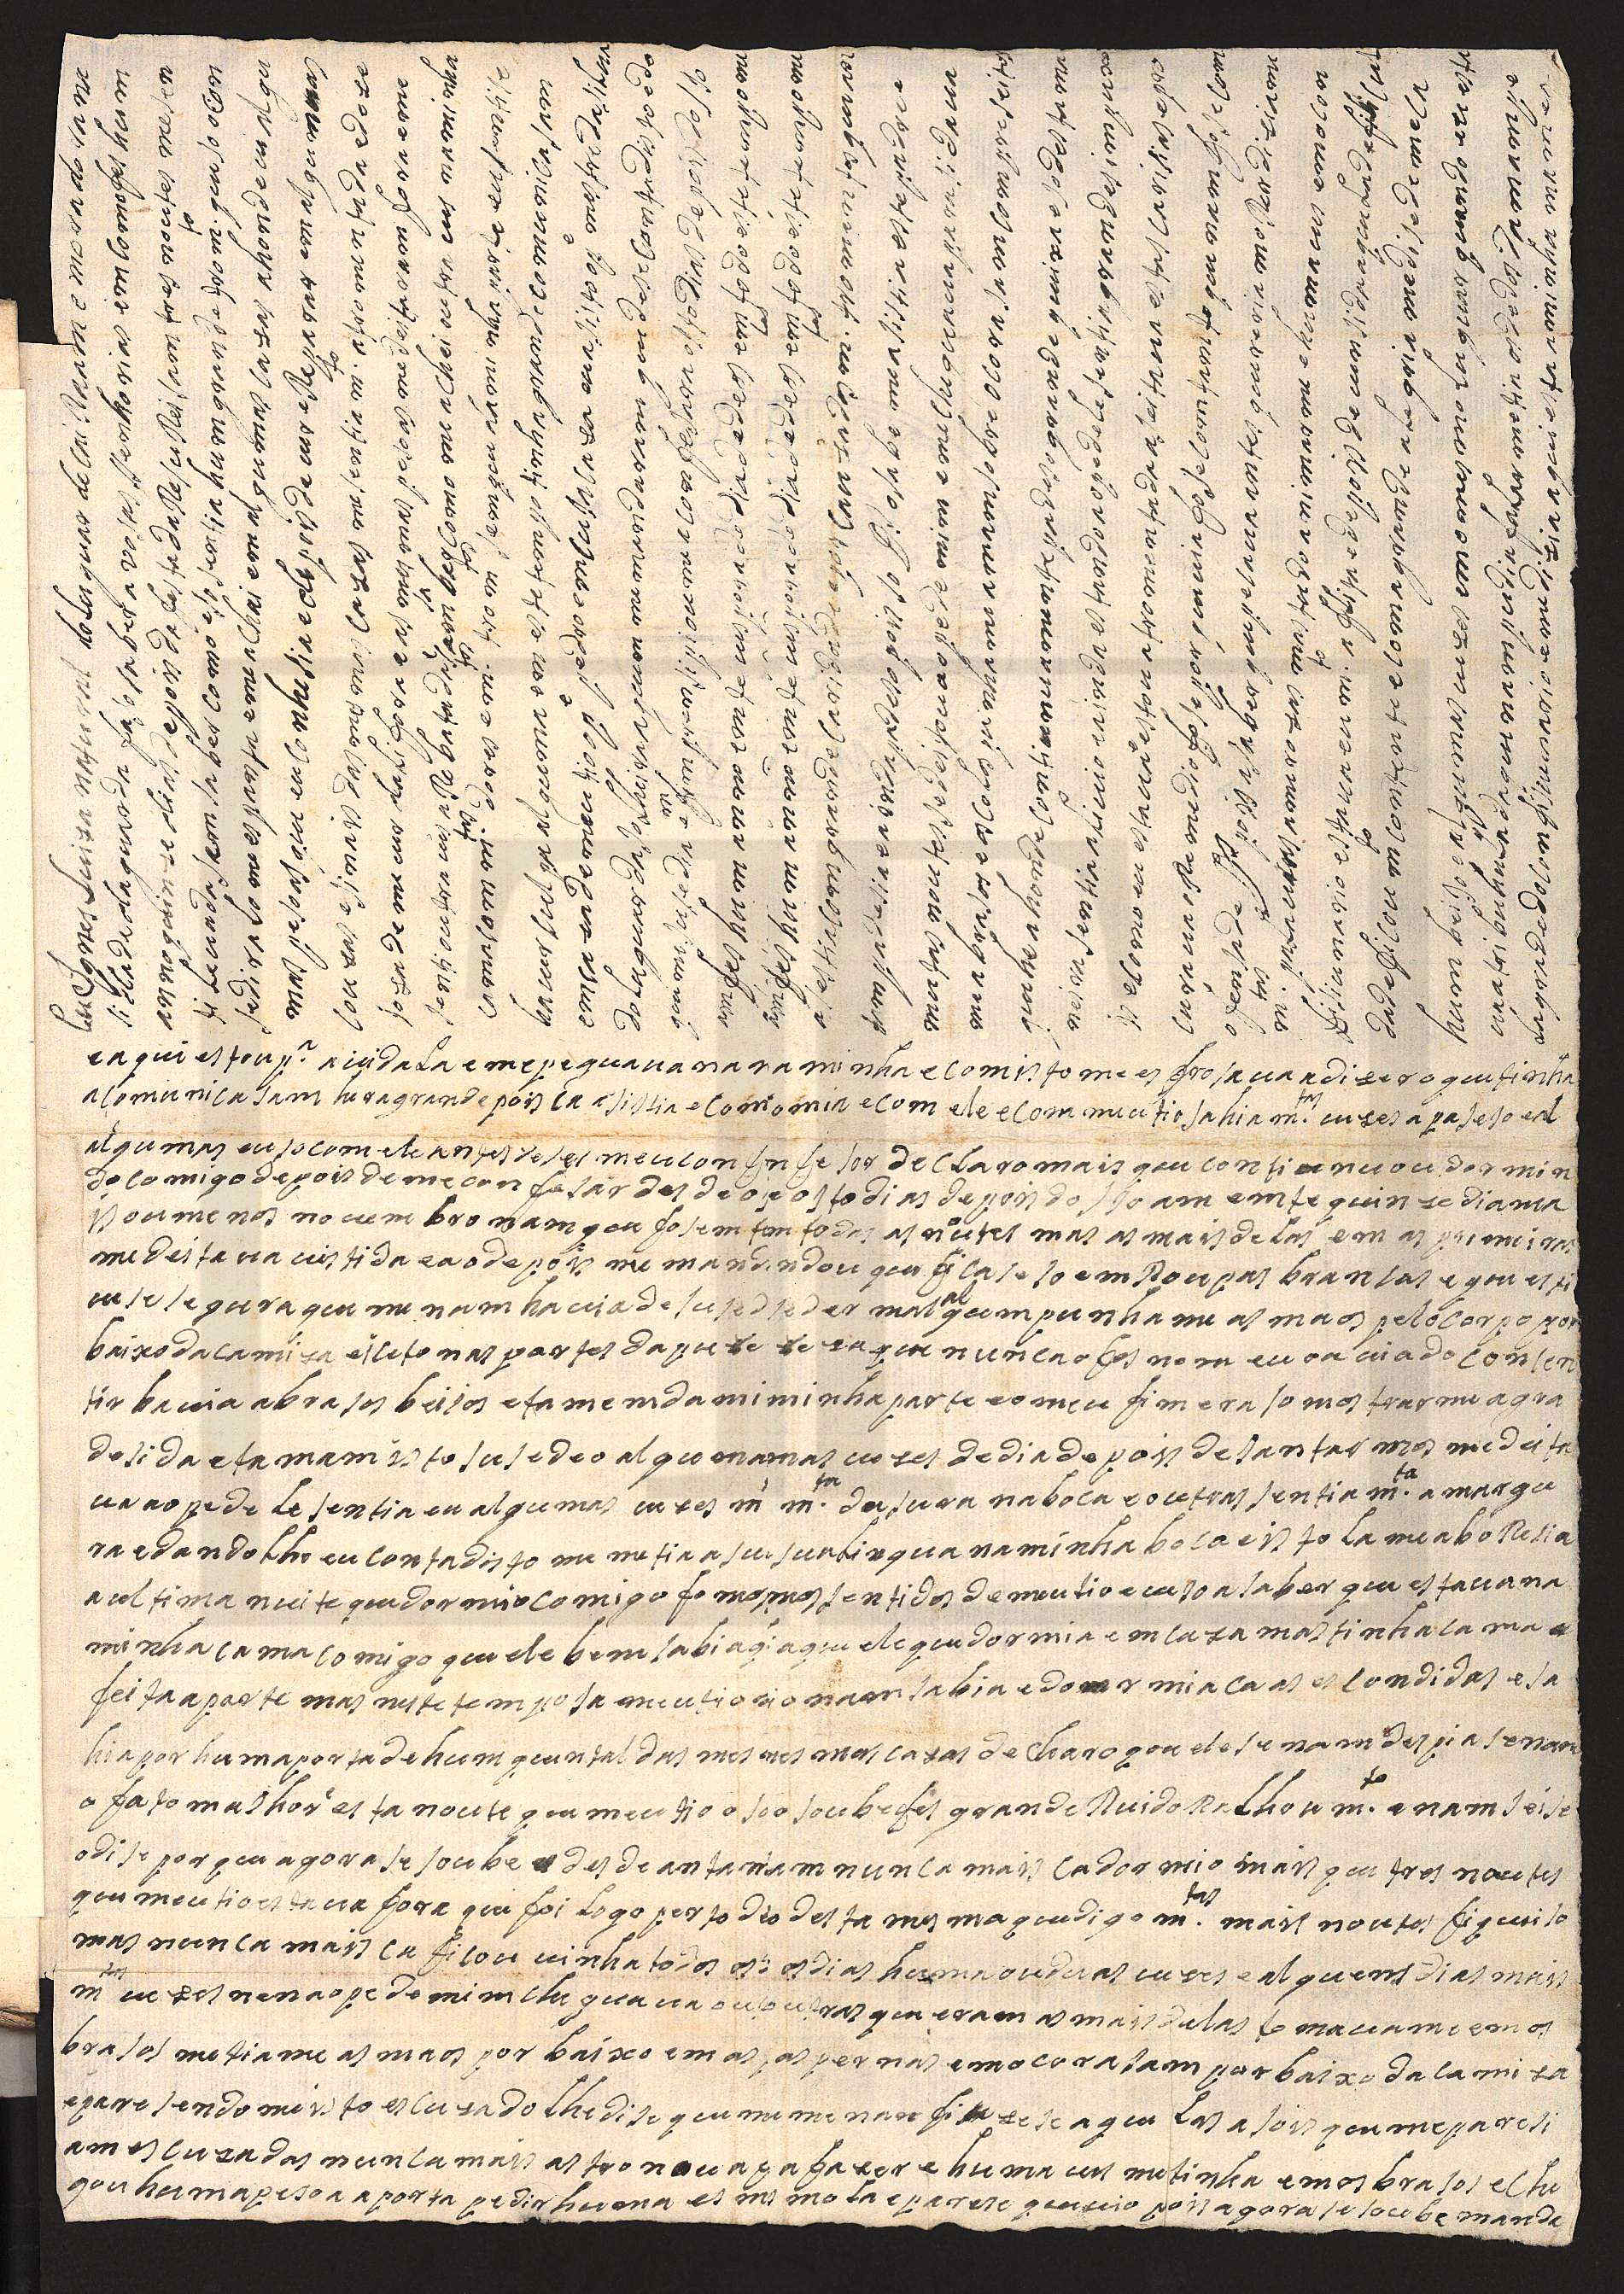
e aqui estou p.a aijidala e me peguaua na na minha e com isto me esfrosaua a dizer o que tinha
a comunicasam hera grande pois ca asistia e comomia e com ele e com meu tio sahia m.tas uezes a pasejo e al
algumas ou so com ele antes de ser meu confnfesor declaro mais que conti_nuou dormin
do comigo depois de me confasar desde oje ojto dias depois do s joam emte quinze dia ma
is ou menos nouembro nam que fosem em todas as noutes mas as mais delas em as primeiras
me deitaua uistida e ao depois me mandndou que ficase so em Roupas brancas e que esti
uese segura que me nam hauia de susedseder mal algum punha me as maos pelo corpo por
baixo da camisa esceto nas partes da purereza que nunca o fes nem eu o auia do consen
tir hauia abrasos beiios e tamem da miminha parte e o meu fim era so mostrarme agra
desida e tamam isto susedeo algumamas uezes de dia depois de jantarmos me deita
ua ao pe dele sentia eu algumas uezes mm.ta dusura na boca e outras sentia m.ta amargu
ra e dandolhe eu conta disto me metia a susua linqua na minha boca e isto la me aboResia
a ultima nuite que dormio comigo fomos mos sentidos de meu tio e cujo a saber que estaua na
minha cama comigo que ele bem sabia q a que ele que dormia em caza mas tinha cama
feita a parte mas neste tempo ja meu tio o nam sabia e domrmia ca as escondidas e sa
hia por huma porta de hum quental das mes esmas cazas declaro que ele se nam despia senam
o fato maihor esta noute que meu tio o o soube fes grande Ruido RaLhou m.to a nam sei se
o dise porque agora se soube _ desde antam am nunca mais ca dormio mais que tres noutes que
meu tio estaua fora que foi logo perto o desta mesma que digo m.tas mais noutes fiquei so
mas nunca mais ca ficou uinha todos os os dias huma ou duas uezes e alguens dias mais
mtas uezes nen ao pe de mim cheguaua ou outras que eram as mais delas tomaceame em os
brasos metiame as maos por baixo em as as pernas em o corasam por baixo da camiza
e paresendome isto escuzado lhe dise que m me nan fitaze se aquelas asois qeu me paresi
am escuzadas nunca mais as tronace a a fazer e huma ues metinha em os brasos e che
gou huma pesoa a porta pedir huma esm mola e parese que uio pois agora se soube manda
